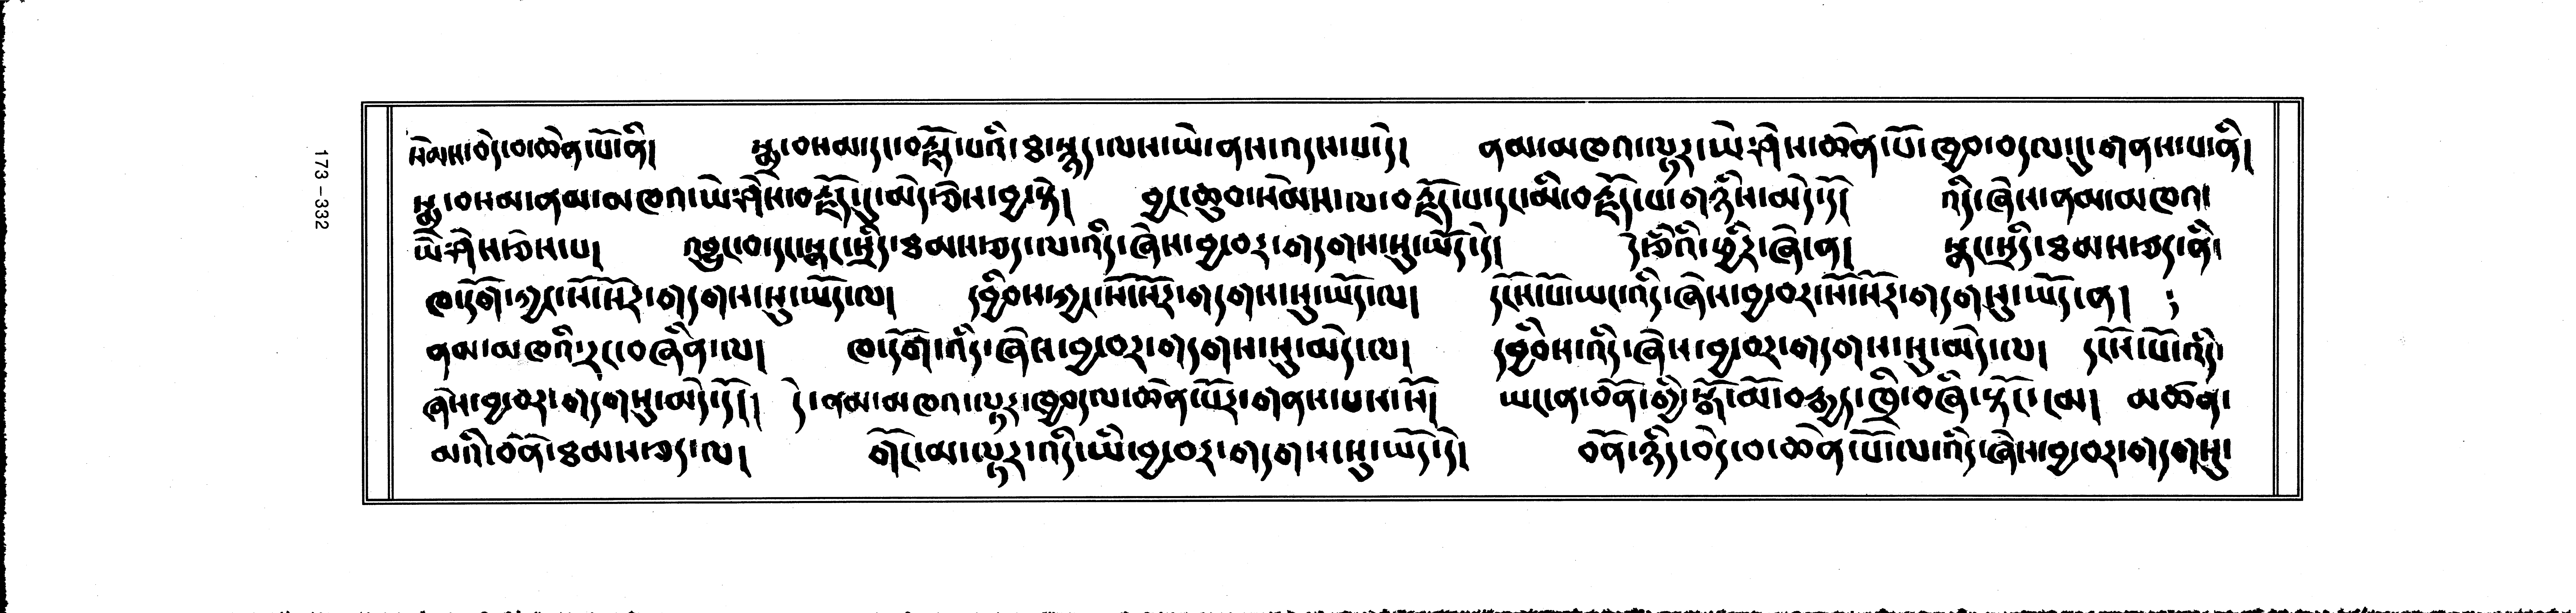སེམས་བདེ་བ་ཆེན་པོ་ནི། སྨྲ་བསམ་དང་བརྗོད་པའི་ཐ་སྙད་ལས་ཡེ་ནས་འདས་པ་དེ། ནམ་མཁའ་ལྟར་ཡེ་ཤེས་ཆེན་པོ་ཁྱབ་བདལ་དུ་གནས་པ་ནི། 
སྨྲ་བསམ་ནམ་མཁའ་ཡེ་ཤེས་བརྗོད་དུ་མེད་ཅེས་བྱ་སྟེ། བྱང་ཆུབ་སེམས་ལ་བརྗོད་པ་དང་མི་བརྗོད་པ་གཉིས་མེད་དོ། །འདི་ཞེས་ནམ་མཁའ་
ཡེ་ཤེས་ཅེས་པ། འབྱུང་བ་དང་སྣང་སྲིད་ཐམས་ཅད་ལ་འདི་ཞེས་བྱ་བར་གདགས་སུ་ཡོད་དེ། །དེ་ཅིའི་ཕྱིར་ཞེ་ན། སྣང་སྲིད་ཐམས་ཅད་ནི་
ཁ་དོག་ཀྱང་སོ་སོར་གདགས་སུ་ཡོད་ལ། དབྱིབས་ཀྱང་སོ་སོར་གདགས་སུ་ཡོད་ལ། དངོས་པོ་ཡང་འདི་ཞེས་བྱ་བར་སོ་སོར་གདགས་སུ་ཡོད་ན། 
ནམ་མཁའི་རང་བཞིན་ལ། ཁ་དོག་འདི་ཞེས་བྱ་བར་གདགས་སུ་མེད་ལ། དབྱིབས་འདི་ཞེས་བྱ་བར་གདགས་སུ་མེད་ལ། དངོས་པོ་འདི་
ཞེས་བྱ་བར་གདགས་སུ་མེད་དོ། །དེ་ནམ་མཁའ་ལྟར་ཁྱབ་བདལ་ཆེན་པོར་གནས་པས་སོ། །ཡང་ན་བོན་གྱི་སྒོ་མོ་བརྒྱད་ཁྲི་བཞི་སྟོང་ངམ། མཚན་
མའི་བོན་ཐམས་ཅད་ལ། གོང་མ་ལྟར་འདི་ཡི་བྱ་བར་གདགས་སུ་ཡོད་དེ། བོན་ཉིད་བདེ་བ་ཆེན་པོ་ལ་འདི་ཞེས་བྱ་བར་གདགས་སུ་